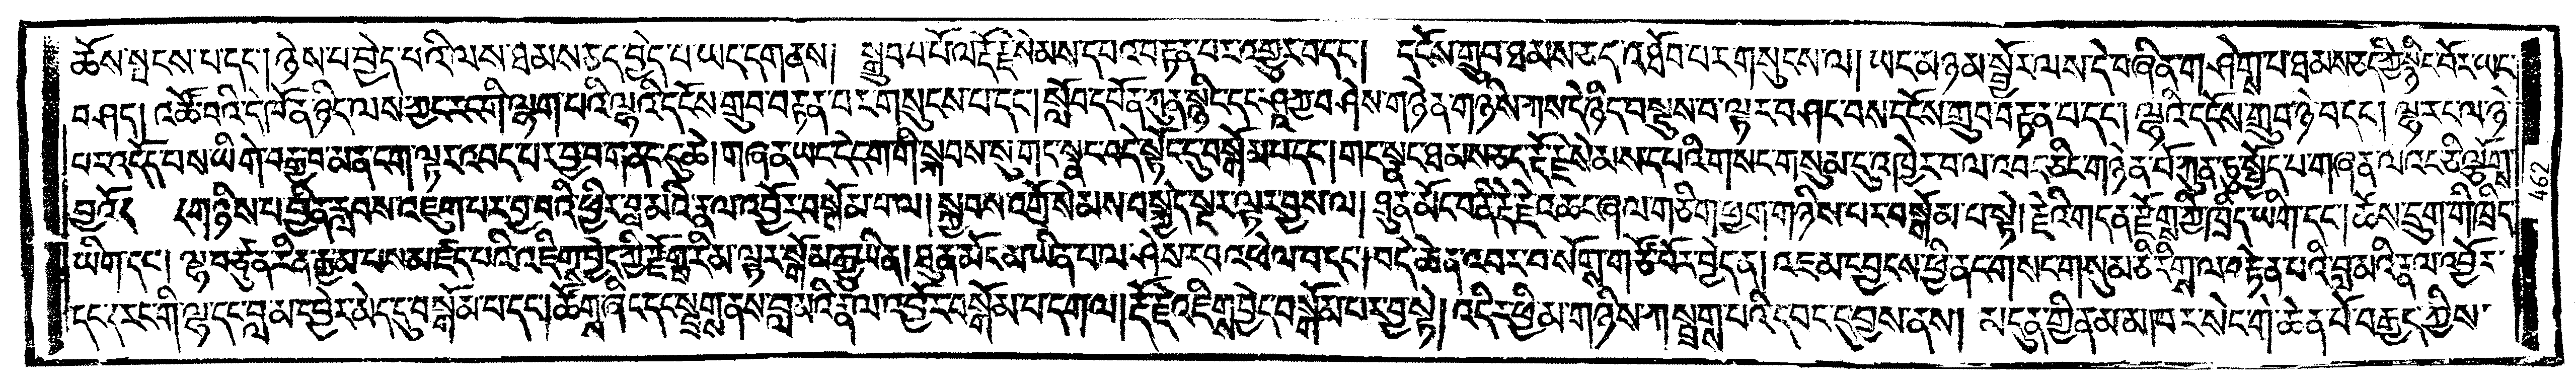ཆོས་སྤངས་པ་དང་། ཉེས་པ་བྱེད་པའི་ལས་ཐམས་ཅད་བྱེད་པ་ཡང་དག་ནས། སྒྲུབ་པ་པོ་ལ་རྡོ་རྗེ་སེམས་དཔའ་བརྟན་པར་འགྱུར་བ་དང་། དངོས་གྲུབ་ཐམས་ཅད་འཐོབ་པར་གསུངས་ལ། ཡང་མཉམ་སྦྱོར་ལས་དེ་བཞིན་གཤེགས་པ་ཐམས་ཅད་ཀྱི་སྙིང་པོར་ཡང་
བཤད། འཚོ་བའི་དེ་ཁོ་ན་ཉིད་ལས་ཀྱང་རང་གི་ལྷག་པའི་ལྷའི་དངོས་གྲུབ་བརྟན་པར་གསུངས་པ་དང་། སློབ་དཔོན་ཀུན་སྙིང་དང་ཤཱཀྱ་བཤེས་གཉེན་གཉིས་ཀས་དེ་ཉིད་བསྡུས་བ་ལྟར་བཤད་བས་དངོས་གྲུབ་བརྟན་པ་དང་། ལྷའི་དངོས་གྲུབ་ཉེ་བ་དང་། ལྷར་ང་ལ་ཉེ་
པར་འདོད་པས་ཡི་གེ་བརྒྱ་བ་མན་ངག་ལྟར་འབད་པར་བྱ་བ་གནང་དུ་ཆེ། གཞན་ཡང་དེ་དག་གི་སྐབས་སུ་གང་སྣང་བདེ་སྟོང་དུ་བསྒོམ་པ་དང་། གང་སྣང་ཐམས་ཅད་རྡོ་རྗེ་སེམས་དཔའི་གསང་གསུམ་དུ་འཁྱེར་བ་ལ་འབད་ཅིང་གཉེན་པོ་ཀུན་ཏུ་སྤྱོད་པ་གཞན་ལའང་ཅི་ལྕོགས་
བྱའོ༑ ༑གཉིས་པ་བྱིན་རླབས་འཇུག་པར་བྱ་བའི་ཕྱིར་བླ་མའི་རྣལ་འབྱོར་བསྒོམ་པ་ལ། སྐྱབས་འགྲོ་སེམས་བསྐྱེད་སྔར་ལྟར་བྱས་ལ། ཐུན་མོང་བ་ནི་རྡོ་རྗེ་འཆང་ཞལ་གཅིག་ཕྱག་གཉིས་པར་བསྒོམ་པ་སྟེ། རྗེའི་གདན་རྫོགས་ཀྱི་ཁྲིད་ཡིག་དང་། ཆོས་དྲུག་གི་ཁྲིད་
ཡིག་དང་། ལྷ་བཙུན་རིན་རྒྱ་མ་པས་མཛད་པའི་འཇིགས་བྱེད་ཀྱི་རྫོགས་རིམ་ལྟར་སྒོམ་རྒྱུ་ཡིན། ཐུན་མོང་མ་ཡིན་པ་ལ་ཤེས་རབ་འཕེལ་བ་དང་། བདེ་ཆེན་འབར་བ་སོགས་གཙོ་བོར་བྱེད་ན། འཇམ་དབྱངས་ཕྱི་ནང་གསང་གསུམ་ཅི་རིགས་ལ་བརྟེན་པའི་བླ་མའི་རྣལ་འབྱོར་
དང༑ རང་གི་ལྷ་དང་བླ་མ་དབྱེར་མེད་དུ་བསྒོམ་པ་དང་། ཚོགས་ཞིང་དང་སྦྲགས་ནས་བླ་མའི་རྣལ་འབྱོར་བསྒོམ་པ་དག་ལ། རྡོ་རྗེ་འཇིགས་བྱེད་བསྒོམ་པར་བྱ་སྟེ། འདིར་ཕྱི་མ་གཉིས་ཀ་སྦྲགས་པའི་དབང་དུ་བྱས་ནས། མདུན་གྱི་ནམ་མཁར་སེང་གེ་ཆེན་པོ་བརྒྱད་ཀྱིས་